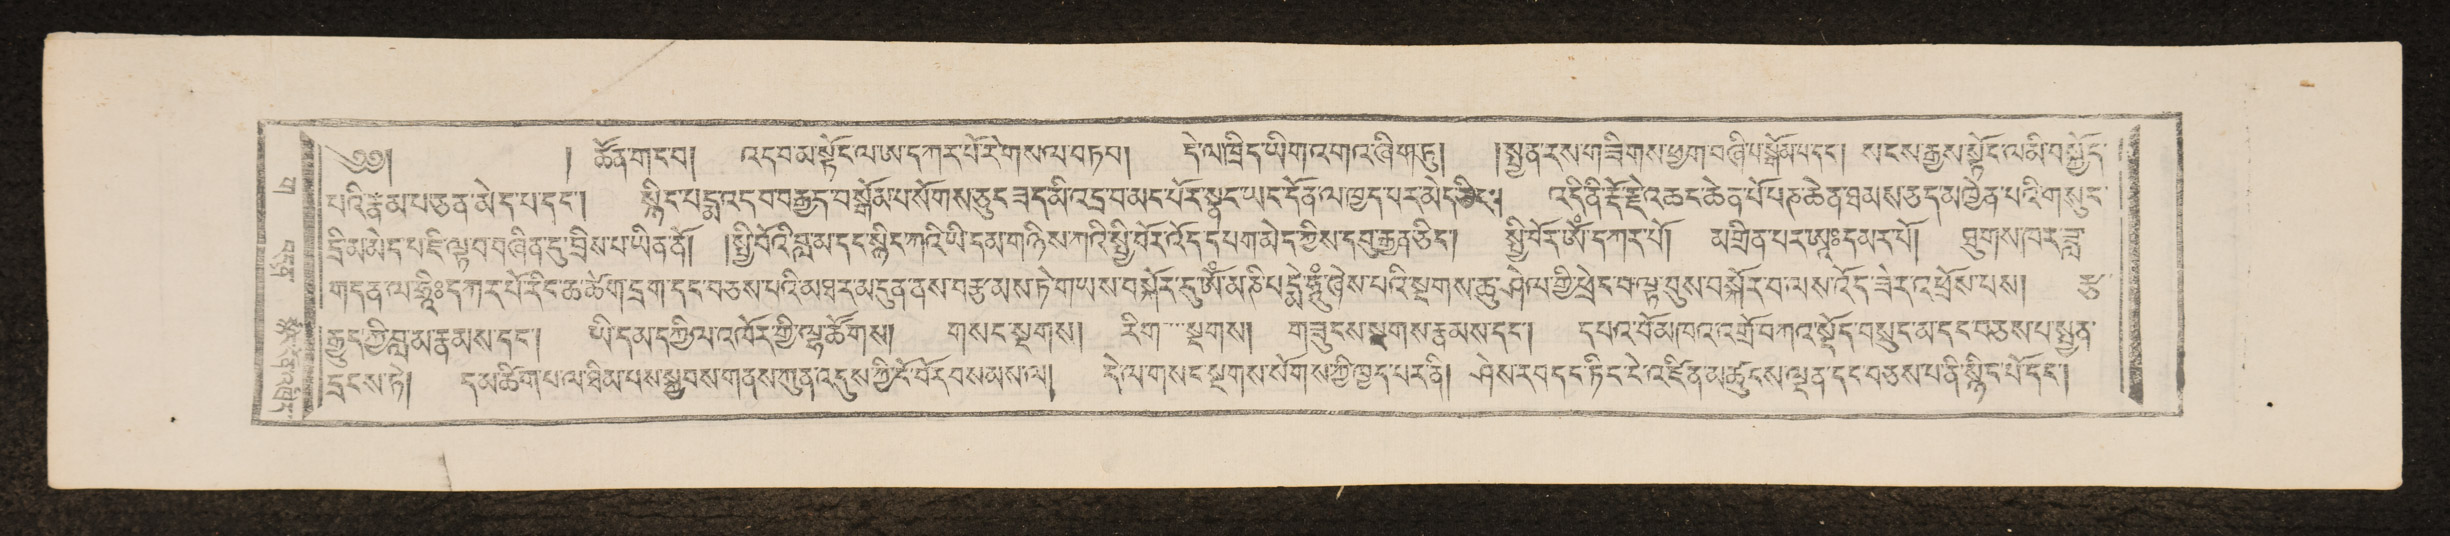༄༅། །ཚོན་གང་བ། འདབ་མ་སྟོང་ལ་ཨ་དཀར་པོ་རེ་གསལ་བཏབ། དེ་ལ་ཁྲིད་ཡིག་འགའ་ཞིག་ཏུ། །སྤྱན་རས་གཟིགས་ཕྱག་བཞི་པ་སྒོམ་པ་དང་། སངས་རྒྱས་སྟོང་ལ་མི་བསྐྱོད་
པའི་རྣམ་པ་ཅན་མེད་པ་དང་། སྙིང་པདམ་འདབ་བརྒྱད་བསྒོམ་པ་སོགས་ཅུང་ཟད་མི་འདྲ་བ་མང་པོར་སྣང་ཡང་དོན་ལ་ཁྱད་པར་མེད་ཅིང་། འདི་ནི་རྡོ་རྗེ་འཆང་ཆེན་པོ་པཎ་ཆེན་ཐམས་ཅད་མཁྱེན་པའི་གསུང་
དྲི་མ་མེད་པ་ཇི་ལྟ་བ་བཞིན་དུ་བྲིས་པ་ཡིན་ནོ། །སྤྱི་བོའི་བླ་མ་དང་སྙིང་ཀའི་ཡི་དམ་གཉིས་ཀའི་སྤྱི་བོར་འོད་དཔག་མེད་ཀྱིས་དབུ་རྒྱན་ཅིང་། སྤྱི་བོར་ཨོཾ་དཀར་པོ། མགྲིན་པར་ཨཱཿ དམར་པོ། ཐུགས་ཁར་ཟླ་
གདན་ལ་ཧྲཱིཿདཀར་པོ་རིང་ཆ་ཚེག་དྲག་དང་བཅས་པའི་མཐར་མདུན་ནས་བརྩམས་ཏེ་གཡས་བསྐོར་དུ་ཨོཾ་མ་ཎི་པདམེ་ཧཱུཾ་ཞེས་པའི་སྔགས་ཆུ་ཤེལ་གྱི་ཕྲེང་བ་ལྟ་བུས་བསྐོར་བ་ལས་འོད་ཟེར་འཕྲོས་པས། རྩ་
རྒྱུད་ཀྱི་བླ་མ་རྣམས་དང་། ཡི་དམ་དཀྱིལ་འཁོར་གྱི་ལྷ་ཚོགས། གསང་སྔགས། རིག་སྔགས། གཟུངས་སྔགས་རྣམས་དང་། དཔའ་བོ་མཁའ་འགྲོ་བཀའ་སྡོད་བསྲུང་མ་དང་བཅས་པ་སྤྱན་
དྲངས་ཏེ། དམ་ཚིག་པ་ལ་ཐིམ་པས་སྐྱབས་གནས་ཀུན་འདུས་ཀྱི་ངོ་བོར་བསམས་ལ། དེ་ལ་གསང་སྔགས་སོགས་ཀྱི་ཁྱད་པར་ནི། ཤེས་རབ་དང་ཏིང་ངེ་འཛིན་མཚུངས་ལྡན་དང་བཅས་པ་ནི་སྙིང་པོ་དང་།